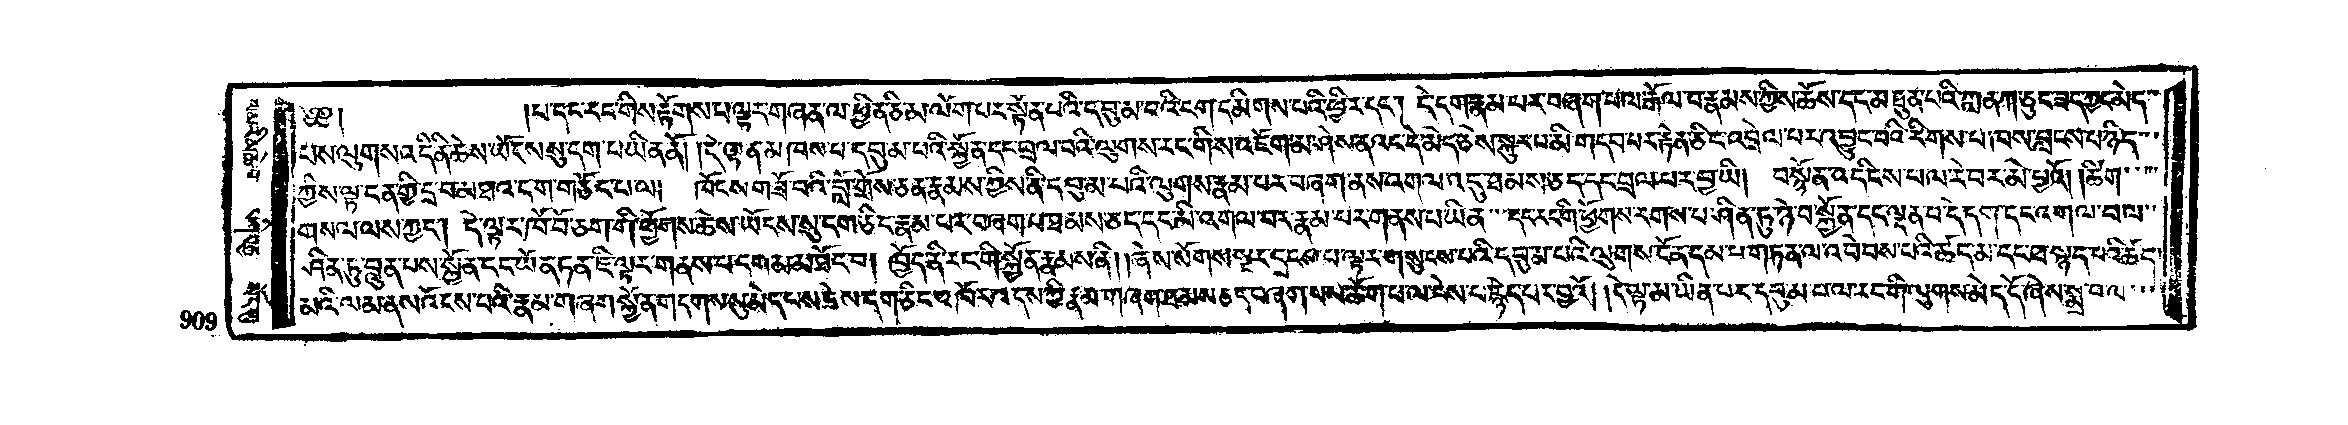༄༅། །པ་དང་རང་གིས་རྟོགས་པ་ལྟར་གཞན་ལ་ཕྱིན་ཅི་མ་ལོག་པར་སྟོན་པའི་དབུ་མ་པའི་ངག་དམིགས་པའི་ཕྱིར་དང་། དེ་དག་རྣམ་པར་བཞག་པ་ལ་རྒོལ་བ་རྣམས་ཀྱིས་ཆོས་དང་མཐུན་པའི་ཀླན་ཀ་ཅུང་ཟད་ཀྱང་མེད་
པས་ལུགས་འདི་ནི་ཆེས་ཡོངས་སུ་དག་པ་ཡིན་ནོ། །དེ་ལྟ་ན་མཁས་པ་དབུ་མ་པའི་སྐྱོན་དང་བྲལ་བའི་ལུགས་རང་གིས་འཇོག་མ་ཤེས་ནའང་དེ་མེད་ཅེས་སྐུར་པ་མི་གདབ་པར་རྟེན་ཅིང་འབྲེལ་པར་འབྱུང་བའི་རིགས་པ་ཁས་བླངས་པ་ཉིད་
ཀྱིས་ལྟ་ངན་གྱི་དྲ་བ་མཐའ་དག་གཅོད་པ་ལ། ཁོངས་གཟོ་བའི་བློ་གྲོས་ཅན་རྣམས་ཀྱིས་ནི་དབུ་མ་པའི་ལུགས་རྣམ་པར་བཞག་ནས་འགལ་འདུ་ཐམས་ཅད་དང་བྲལ་བར་བྱ་ཡི། བསྙོན་འདིངས་པ་ལ་རེ་བར་མི་བྱའོ། །ཚིག་
གསལ་ལས་ཀྱང་། དེ་ལྟར་ཁོ་བོ་ཅག་གི་ཕྱོགས་ཆེས་ཡོངས་སུ་དག་ཅིང་རྣམ་པར་བཞག་པ་ཐམས་ཅད་དང་མི་འགལ་བར་རྣམ་པར་གནས་པ་ཡིན་དང་རང་གི་ཕྱོགས་རགས་པ་ཤིན་ཏུ་ཉེ་བ་སྐྱོན་དང་ལྡན་པ་དེ་དག་དང་འགལ་བ་ལ་
ཤིན་ཏུ་བླུན་པས་སྐྱོན་དང་ཡོན་ཏན་ཇི་ལྟར་གནས་པ་དག་མ་མཐོང་བ། ཁྱོད་ནི་རང་གི་སྐྱོན་རྣམས་ནི། །ཞེས་སོགས་སྔར་དྲངས་པ་ལྟར་གསུངས་པའི་དབུ་མ་པའི་ལུགས་དོན་དམ་པ་གཏན་ལ་འབེབས་པའི་ཚད་མ་དང་ཐ་སྙད་པའི་ཚད་
མའི་ལམ་ནས་འོངས་པའི་རྣམ་གཞག་སྐྱོན་གདགས་སུ་མེད་པས་ཆེས་དག་ཅིང་འཁོར་འདས་ཀྱི་རྣམ་གཞག་ཐམས་ཅད་བཞག་པས་ཆོག་པ་ལ་ངེས་པ་རྙེད་པར་བྱའོ། །དེ་ལྟ་མ་ཡིན་པར་དབུ་མ་པ་ལ་རང་གི་ལུགས་མེད་དོ་ཞེས་སྨྲ་བ་ལ་